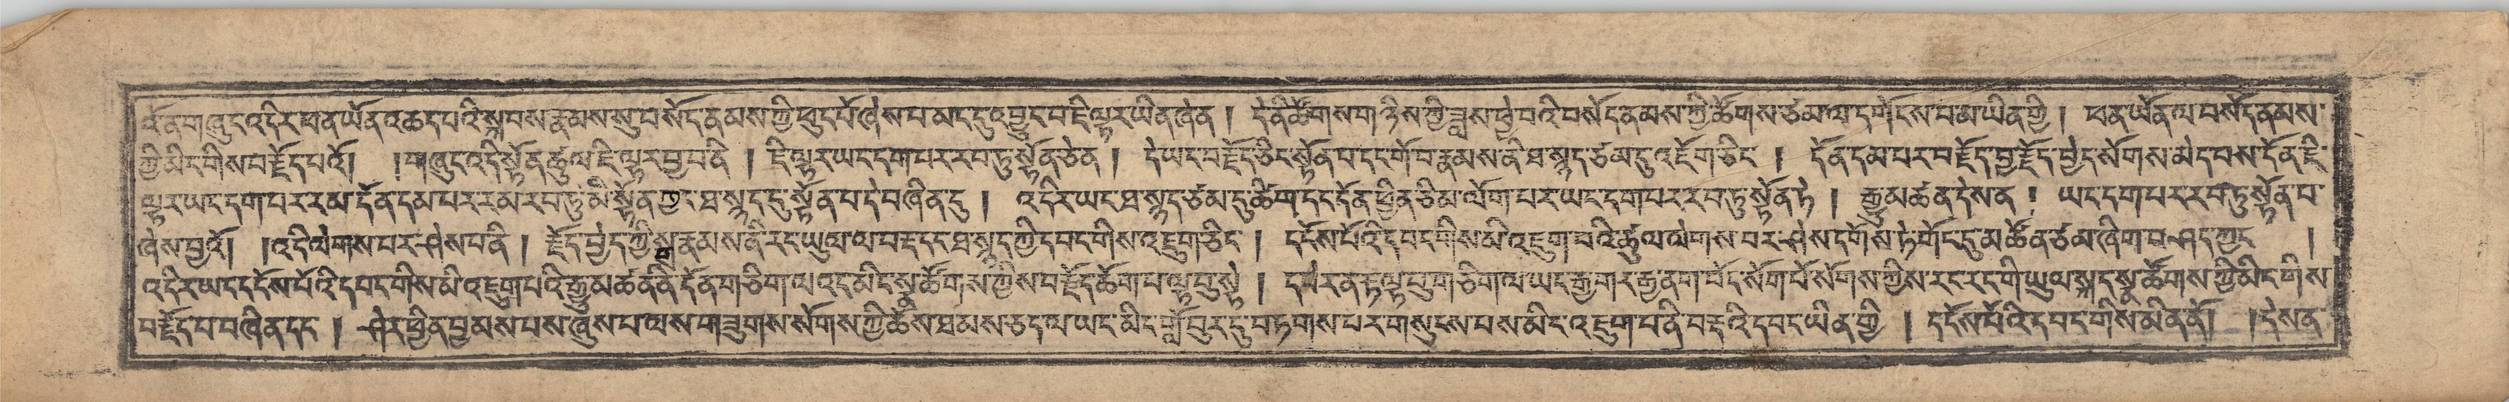འོ་ན་གཞུང་འདིར་ཕན་ཡོན་འཆད་པའི་སྐབས་རྣམས་སུ་བསོད་ནམས་ཀྱི་ཕུང་པོ་ཞེས་པ་མང་དུ་འབྱུང་བ་ཇི་ལྟར་ཡིན་ཞེ་ན། དེ་ནི་ཚོགས་གཉིས་ཀྱི་ཟླས་ཕྱེ་བའི་བསོད་ནམས་ཀྱི་ཚོགས་ཙམ་ལ་དགོངས་པ་མ་ཡིན་གྱི། ཕན་ཡོན་ལ་བསོད་ནམས་
ཀྱི་མིང་གིས་བརྗོད་པའོ། །གཞུང་འདི་སྟོན་ཚུལ་ཇི་ལྟར་བྱ་བ་ནི། ཇི་ལྟར་ཡང་དག་པར་རབ་ཏུ་སྟོན་ཅེ་ན། དེ་ཡང་བརྗོད་ཅིང་སྟོན་པ་དང་གོ་བ་རྣམས་ནི་ཐ་སྙད་ཙམ་དུ་འཇོག་ཅིང་། དོན་དམ་པར་བརྗོད་བྱ་རྗོད་བྱེད་སོགས་མེད་པས་དོན་ཇི་
ལྟར་ཡང་དག་པར་རམ་དོན་དམ་པར་རམ་རབ་ཏུ་མི་སྟོན་ཀྱང་ཐ་སྙད་དུ་སྟོན་པ་དེ་བཞིན་དུ། འདིར་ཡང་ཐ་སྙད་ཙམ་དུ་ཚིག་དང་དོན་ཕྱིན་ཅི་མ་ལོག་པར་ཡང་དག་པར་རབ་ཏུ་སྟོན་ཏེ། རྒྱུ་མཚན་དེས་ན། ཡང་དག་པར་རབ་ཏུ་སྟོན་པ་
ཞེས་བྱའོ། །འདི་ལེགས་པར་ཤེས་པ་ནི། རྗོད་བྱེད་ཀྱི་སྒྲ་རྣམས་ནི་རང་ཡུལ་ལ་བརྡ་དང་ཐ་སྙད་ཀྱི་དབང་གིས་འཇུག་ཅིང་། དངོས་པོའི་དབང་གིས་མི་འཇུག་པའི་ཚུལ་ལེགས་པར་ཤེས་དགོས་ཏེ་གོང་དུ་མཚོན་ཙམ་ཞིག་བཤད་ཀྱང་།
འདིར་ཡང་དངོས་པོའི་དབང་གིས་མི་འཇུག་པའི་རྒྱུ་མཚན་ནི་དོན་གཅིག་ལའང་མིང་སྣ་ཚོགས་ཀྱིས་བརྗོད་ཆོག་པ་ལྟ་བུ་སྟེ། དཔེར་ན་རྟ་ལྟ་བུ་གཅིག་ལ་ཡང་རྒྱ་གར་རྒྱ་ནག་བོད་སོག་པོ་སོགས་ཀྱིས་རང་རང་གི་ཡུལ་སྐད་སྣ་ཚོགས་ཀྱི་མིང་གིས་
བརྗོད་པ་བཞིན་དང་། ཤེར་ཕྱིན་བྱམས་པས་ཞུས་པ་ལས་གཟུགས་སོགས་ཀྱི་ཆོས་ཐམས་ཅད་ལ་ཡང་མིང་གློ་བུར་དུ་བཏགས་པར་གསུངས་པས་མིང་འཇུག་པ་ནི་བརྡའི་དབང་ཡིན་གྱི། དངོས་པོའི་དབང་གིས་མིན་ནོ། །དེས་ན་